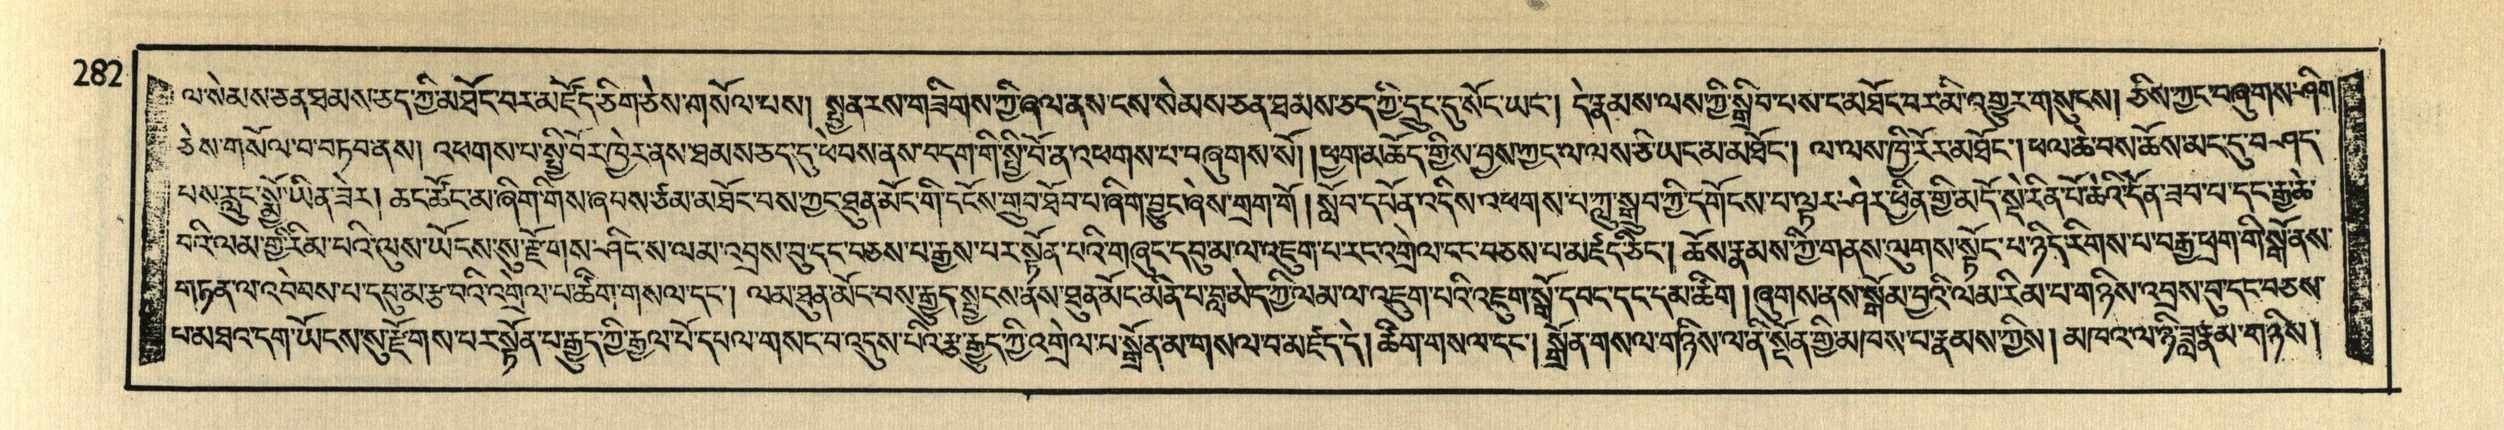ལ་སེམས་ཅན་ཐམས་ཅད་ཀྱི་མཐོང་བར་མཛོད་ཅིག་ཅེས་གསོལ་པས། སྤྱན་རས་གཟིགས་ཀྱི་ཞལ་ནས་ངས་སེམས་ཅན་ཐམས་ཅད་ཀྱི་དྲུང་དུ་སོང་ཡང་། དེ་རྣམས་ལས་ཀྱི་སྒྲིབ་པས་ང་མཐོང་བར་མི་འགྱུར་གསུངས། ཅིས་ཀྱང་བཞུགས་ཤིག་
ཅེས་གསོལ་བ་བཏབ་ནས། འཕགས་པ་སྤྱི་བོར་ཁྱེར་ནས་ཐམས་ཅད་དུ་ཕེབས་ནས་བདག་གི་སྤྱི་བོ་ན་འཕགས་པ་བཞུགས་སོ། །ཕྱག་མཆོད་གྱིས་བྱས་ཀྱང་ལ་ལས་ཅི་ཡང་མ་མཐོང་། ལ་ལས་ཁྱི་རོར་མཐོང་། ཕལ་ཆེ་བས་ཆོས་མང་དུ་བཤད་
པས་རླུང་སྨྱོ་ཡིན་ཟེར། ཆང་ཚོང་མ་ཞིག་གིས་ཞབས་ཙམ་མཐོང་བས་ཀྱང་ཐུན་མོང་གི་དངོས་གྲུབ་ཐོབ་པ་ཞིག་བྱུང་ཞེས་གྲག་གོ །སློབ་དཔོན་འདིས་འཕགས་པ་ཀླུ་སྒྲུབ་ཀྱི་དགོངས་པ་ལྟར་ཤེར་ཕྱིན་གྱི་མདོ་སྡེ་རིན་པོ་ཆེའི་དོན་ཟབ་པ་དང་རྒྱ་ཆེ་
བའི་ལམ་གྱི་རིམ་པའི་ལུས་ཡོངས་སུ་རྫོགས་ཤིང་ས་ལམ་འབྲས་བུ་དང་བཅས་པ་རྒྱས་པར་སྟོན་པའི་གཞུང་དབུ་མ་ལ་འཇུག་པ་རང་འགྲེལ་ངང་བཅས་པ་མཛད་ཅིང་། ཆོས་རྣམས་ཀྱི་གནས་ལུགས་སྟོང་པ་ཉིད་རིགས་པ་བརྒྱ་ཕྲག་གི་སྒོ་ནས་
གཏན་ལ་འབེབས་པ་དབུ་མ་རྩ་བའི་འགྲེལ་པ་ཚིག་གསལ་དང་། ལམ་ཐུན་མོང་བས་རྒྱུད་སྦྱངས་ནས་ཐུན་མོང་མིན་པ་བླ་མེད་ཀྱི་ལམ་ལ་འཇུག་པའི་འཇུག་སྒོ་དབང་དང་དམ་ཚིག །ཞུགས་ནས་སྒོམ་བྱའི་ལམ་རིམ་པ་གཉིས་འབྲས་བུ་དང་བཅས་
པ་མཐའ་དག་ཡོངས་སུ་རྫོགས་པར་སྟོན་པ་རྒྱུད་ཀྱི་རྒྱལ་པོ་དཔལ་གསང་བ་འདུས་པའི་རྩ་རྒྱུད་ཀྱི་འགྲེལ་པ་སྒྲོན་མ་གསལ་བ་མཛད་དེ། ཚིག་གསལ་དང་། སྒྲོན་གསལ་གཉིས་ལ་ནི་སྔོན་གྱི་མཁས་པ་རྣམས་ཀྱིས། མཁའ་ལ་ཉི་ཟླ་རྣམ་གཉིས།